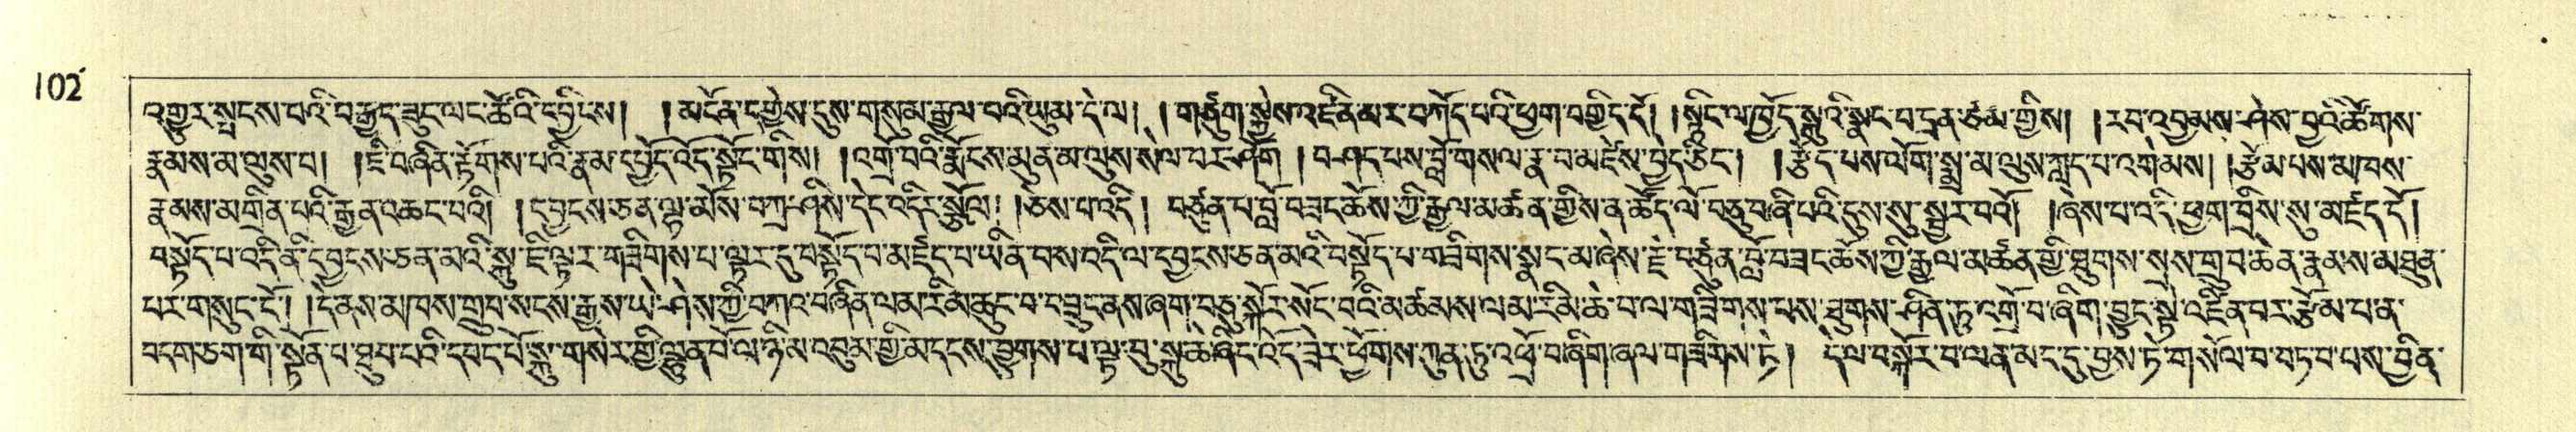འགྱུར་སྤངས་པའི་བརྒྱད་ཟུང་ལང་ཚོའི་དབྱིངས། །མངོན་དགྱེས་དུས་གསུམ་རྒྱལ་བའི་ཡུམ་དེ་ལ། །གཙུག་སྐྱེས་འཛིན་མར་བཀོད་པའི་ཕྱག་བགྱིད་དོ། །སྙིང་ལ་ཁྱོད་སྐུའི་སྣང་བ་དྲན་ཙམ་གྱིས། །རབ་འབྱམས་ཤེས་བྱའི་ཚིགས་
རྣམས་མ་ལུས་པ། །ཇི་བཞིན་རྟོགས་པའི་རྣམ་དཔྱོད་འོད་སྟོང་གིས། །འགྲོ་བའི་རྨོངས་མུན་མ་ལུས་སེལ་བར་ཤོག །བཤད་པས་བློ་གསལ་རྣ་བ་མཛེས་བྱེད་ཅིང་། །རྩོད་པས་ལོག་སྨྲ་མ་ལུས་ཀླད་པ་འགེམས། །རྩོམ་པས་མཁས་
རྣམས་མགྲིན་པའི་རྒྱན་འཆང་པའི། །དབྱངས་ཅན་ལྷ་མོས་བཀྲ་ཤིས་དེང་འདིར་སྩོལ། །ཅེས་པ་འདི། བཙུན་པ་བློ་བཟང་ཆོས་ཀྱི་རྒྱལ་མཚན་གྱིས་ན་ཚོད་ལོ་བཅུ་བཞི་པའི་དུས་སུ་སྦྱར་བའོ། །ཞེས་པ་འདི་ཕྱག་ཁྲིས་སུ་མཛད་དོ།
བསྟོད་པ་འདི་ནི་དབྱངས་ཅན་མའི་སྐུ་ཇི་ལྟར་གཟིགས་པ་ལྟར་དུ་བསྟོད་པ་མཛད་པ་ཡིན་བས་འདི་ལ་དབྱངས་ཅན་མའི་བསྟོད་པ་གཟིགས་སྣང་མ་ཞེས་རྗེ་བཙུན་བློ་བཟང་ཆོས་ཀྱི་རྒྱལ་མཚན་གྱི་ཐུགས་སྲས་གྲུབ་ཆེན་རྣམས་མཐུན་
པར་གསུང་ངོ། །དེ་ནས་མཁས་གྲུབ་སངས་རྒྱས་ཡེ་ཤེས་ཀྱི་བཀའ་བཞིན་ལམ་རིམ་ཆུང་བ་བཟུང་ནས་ཞག་བཅུ་སྐོར་སོང་བའི་མཚམས་ལམ་རིམ་ཆེ་བ་ལ་གཟིགས་པས་ཐུགས་ཤིན་ཏུ་འགྲོ་བ་ཞིག་བྱུང་སྟེ་འཛིན་པར་རྩོམ་པ་ན་
བདག་ཅག་གི་སྟོན་པ་ཐུབ་པའི་དབང་པོ་སྐུ་གསེར་གྱི་ལྷུན་པོ་ལ་ཉི་མ་འབུམ་གྱི་མདངས་བྱུགས་པ་ལྟ་བུ་སྐུ་ཆེ་ཞིང་འོད་ཟེར་ཕྱོགས་ཀུན་ཏུ་འཕྲོ་བ་ཞིག་ཞལ་གཟིགས་ཏེ། དེ་ལ་བསྐོར་བ་ལན་མང་དུ་བྱས་ཏེ་གསོལ་བ་བཏབ་པས་བྱིན་